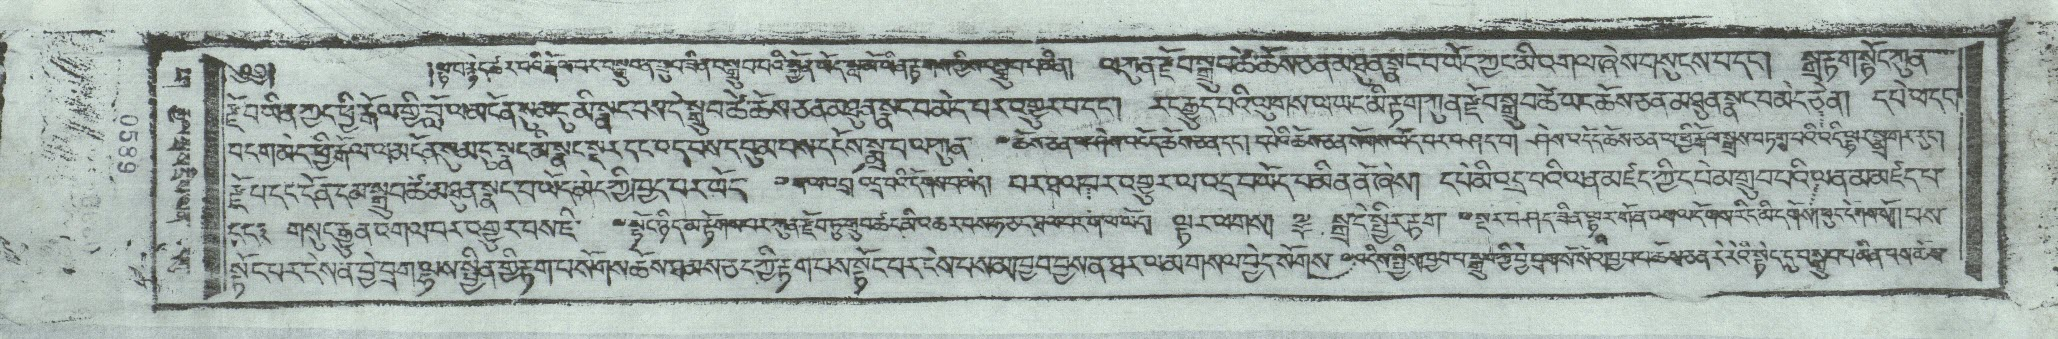༄༅། །ལྟ་བརྙེད་ཚར་བའི་རྒོལ་བར་བསྒྲུབ་ན་གྲུབ་ཟིན་བསྒྲུབ་པའི་སྐྱོན་ཡོད་སླ་མོ་ཡིན་རྟགས་ཀྱིས་བསྒྲུབ་པ་མིན། ལ་ཀུན་རྫོབ་སྒྲུབ་ཚེ་ཆོས་ཅན་མཐུན་སྣང་བ་ཡོད་ཀྱང་མི་འགལ་ཞེས་གསུངས་པ་དང་། སྒྲ་རྟག་སྟོང་ཀུན་
རྫོབ་ཡིན་ཀྱང་ཕྱི་རྒོལ་གྱི་བློ་ལ་མངོན་སུམ་དུ་མི་སྣང་བས་དེ་སྒྲུབ་ཚེ་ཆོས་ཅན་མཐུན་སྣང་བ་མེད་པར་འགྱུར་བ་དང་། རང་རྒྱུད་པའི་ལུགས་ལ་ཡང་མི་རྟག་ཀུན་རྫོབ་སྒྲུབ་ཚེ་ཡང་ཆོས་ཅན་མཐུན་སྣང་བ་མེད་ཅེ་ན། དཔེ་ལ་དང་
བདག་མེད་ཕྱི་རྒོལ་ལ་མངོན་སུམ་དུ་སྣང་མི་སྣང་སྔར་དང་འདབས་དབུ་མ་པས་དངོས་སྨྲ་བ་ལ་ཀུན་༧ཆོས་ཅན་ལ་ཤེས་འདོད་ཆོས་ཅན་དང་། དཔེའི་ཆོས་ཅན་སོགས་ཡོད་པར་བཤད་པ། ཤེས་འདོད་ཆོས་ཅན་ལ་ཕྱི་རྒོལ་སྒྲས་བཏགས་པའི་འདི་ལྟར་སྨྲ་གར་རུང་།
རྫོབ་དང་དོན་དམ་སྒྲུབ་ཚེ་མཐུན་སྣང་བ་ཡོད་མེད་ཀྱི་ཁྱད་པར་ཡོད་༧གཡ་འདྲ། འདྲ་བའི་དོགས་པ་མེད།  པར་ཐལ་བར་འགྱུར་ལ་འདྲ་བ་ཡོད་བ་མིན་ནོ་ཞེས། དཔེ་མི་འདྲ་བའི་ལན་མཛད་ཀྱི་དཔེ་མ་གྲུབ་པའི་ལན་མ་མཛད་པ་
དང༑ གསུང་རྒྱུན་འགལ་བར་འགྱུར་བས་ཇི་༧སྟོང་ཉིད་མ་རྟོགས་པར་ཀུན་རྫོབ་ཏུ་གྲུབ་ཚད་མི་འཆར་བས་ཧ་ཅང་ཐལ་བར་ག་ལ་ཡོད།  ལྟར་ལགས། ༈ སྒྲ་དེ་སྤྱིར་རྟག་༧སྔར་བཤད་ཟིན་ལྟར་གོན་འགལ་དོགས་རིད་མི་དགོས། ཕུང་དོགས་སོ།།  པས་
སྟོང་པར་ངེས་ན་བྱེ་བྲག་ལྷས་སྦྱིན་གྱི་རྟག་པ་སོགས་ཆོས་ཐམས་ཅད་ཀྱི་རྟག་པས་སྟོང་པར་ངེས་པས་མ་ཁྱབ་བྱས་ན་ཐར་ལམ་གསལ་བྱེད་སོགས་༧འདིས་སྤྱིས་ཁྱབ་པ་སྒྲུབ་ཀྱི་བྱེ་བྲག་སོ་སོའི་ཁྱབ་པ་ཆོས་ཅན་རེ་རེའི་སྟེང་དུ་བསྒྲུབ་པ་མིན་པས་ཆོས་